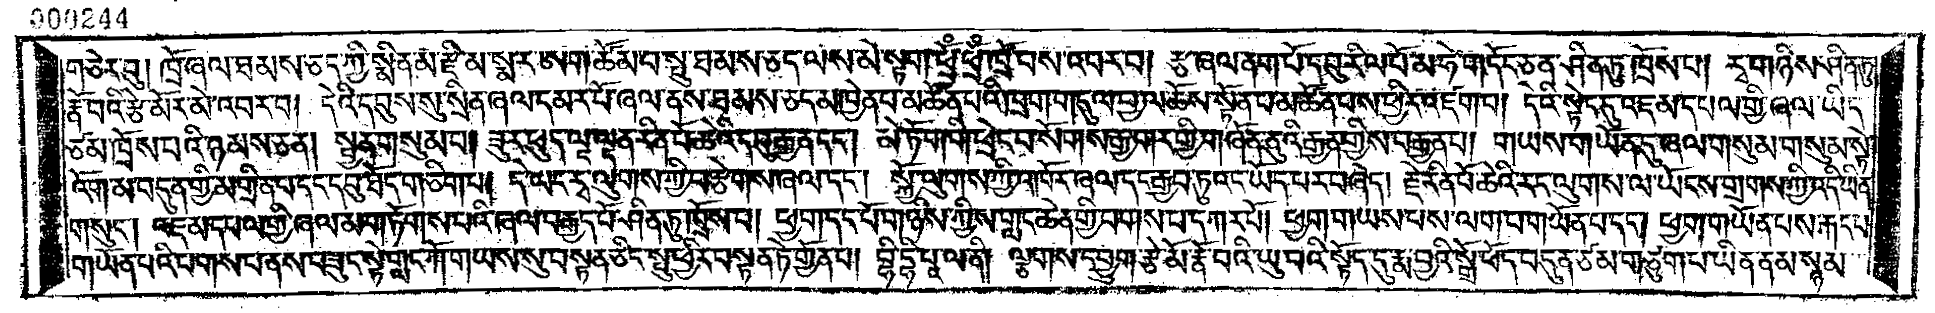གཅེར་བུ། ཁྲོ་ཞལ་ཐམས་ཅད་ཀྱི་སྨིན་མ་རྫི་མ་སྨ་ར་ཨག་ཚོམ་པ་སྤུ་ཐམས་ཅད་ལས་མེ་སྟག་ཕྲོཾ་ཕྲོཾ་ཁྲོ་བས་འབར་བ། རྩ་ཞལ་ནག་པོ་དབུ་རིལ་པོ་མ་ཧེ་གདོང་ཅན་ཤིན་ཏུ་ཁྲོས་པ། རྭ་གཉིས་ཤིན་ཏུ་
རྣོ་བའི་རྩེ་མོར་མེ་འབར་བ། དེའི་དབུས་སུ་སྲིན་ཞལ་དམར་པོ་ཞལ་ནས་ཐམས་ཅད་མཁྱེན་པ་མཚོན་པའི་ཁྲག་གདུལ་བྱ་ལ་ཆོས་སྟོན་པ་མཚོན་པས་ཕྱིར་འཛག་པ། དེའི་སྟེང་དུ་འཇམ་དཔལ་གྱི་ཞལ་ཡིད་
ཙམ་ཁྲོས་པའི་ཉམས་ཅན། སྤྱན་གསུམ་པ། ཟུར་ཕུད་ལྔ་ལྡན་རིན་པོ་ཆེའི་དབུ་རྒྱན་དང་། མེ་ཏོག་གི་ཕྲེང་བ་སོགས་རྒྱ་གར་གྱི་གཞོན་ནུའི་རྒྱན་གྱིས་བརྒྱན་པ། གཡས་གཡོན་དུ་ཞལ་གསུམ་གསུམ་སྟེ་
འོག་མ་བདུན་གྱི་མགྲིན་པ་དང་དབུ་ཐོད་གཅིག་པ། དེ་ཡང་རྭ་ལུགས་ཀྱི་བརྩེགས་ཞལ་དང་། སྐྱོ་ལུགས་ཀྱི་འཁོར་ཞལ་དང་རྒྱབ་ཏུའང་ཡོད་པར་བཞེད། རྗེ་རིན་པོ་ཆེའི་རང་ལུགས་ལ་ཡོངས་གྲགས་ཀྱི་འདི་ཡིན་
གསུང་། འཇམ་དཔལ་གྱི་ཞལ་མ་གཏོགས་པའི་ཞལ་བརྒྱད་པོ་ཤིན་ཏུ་ཁྲོས་པ། ཕྱག་དང་པོ་གཉིས་ཀྱིས་གླང་ཆེན་གྱི་པགས་པ་དཀར་པོ། ཕྱག་གཡས་པས་ལག་པ་གཡོན་པ་དང་། ཕྱག་གཡོན་པས་རྐང་པ་
གཡོན་པའི་པགས་པ་ནས་བཟུང་སྟེ་གླང་ཀོ་གཡས་སུ་བསྟན་ཅིང་སྦུ་ཕྱིར་བསྟན་ཏེ་གྱོན་པ། བྷི་དྷི་པཱ་ལ་ནི། ལྕགས་དབྱུག་རྩེ་མོ་རྣོ་བའི་ཡུ་བའི་སྟོད་དུ་རྨ་བྱའི་སྒྲོ་ཕོད་བདུན་ཙམ་གཙུག་པ་ཡིན་ནམ་སྙམ་